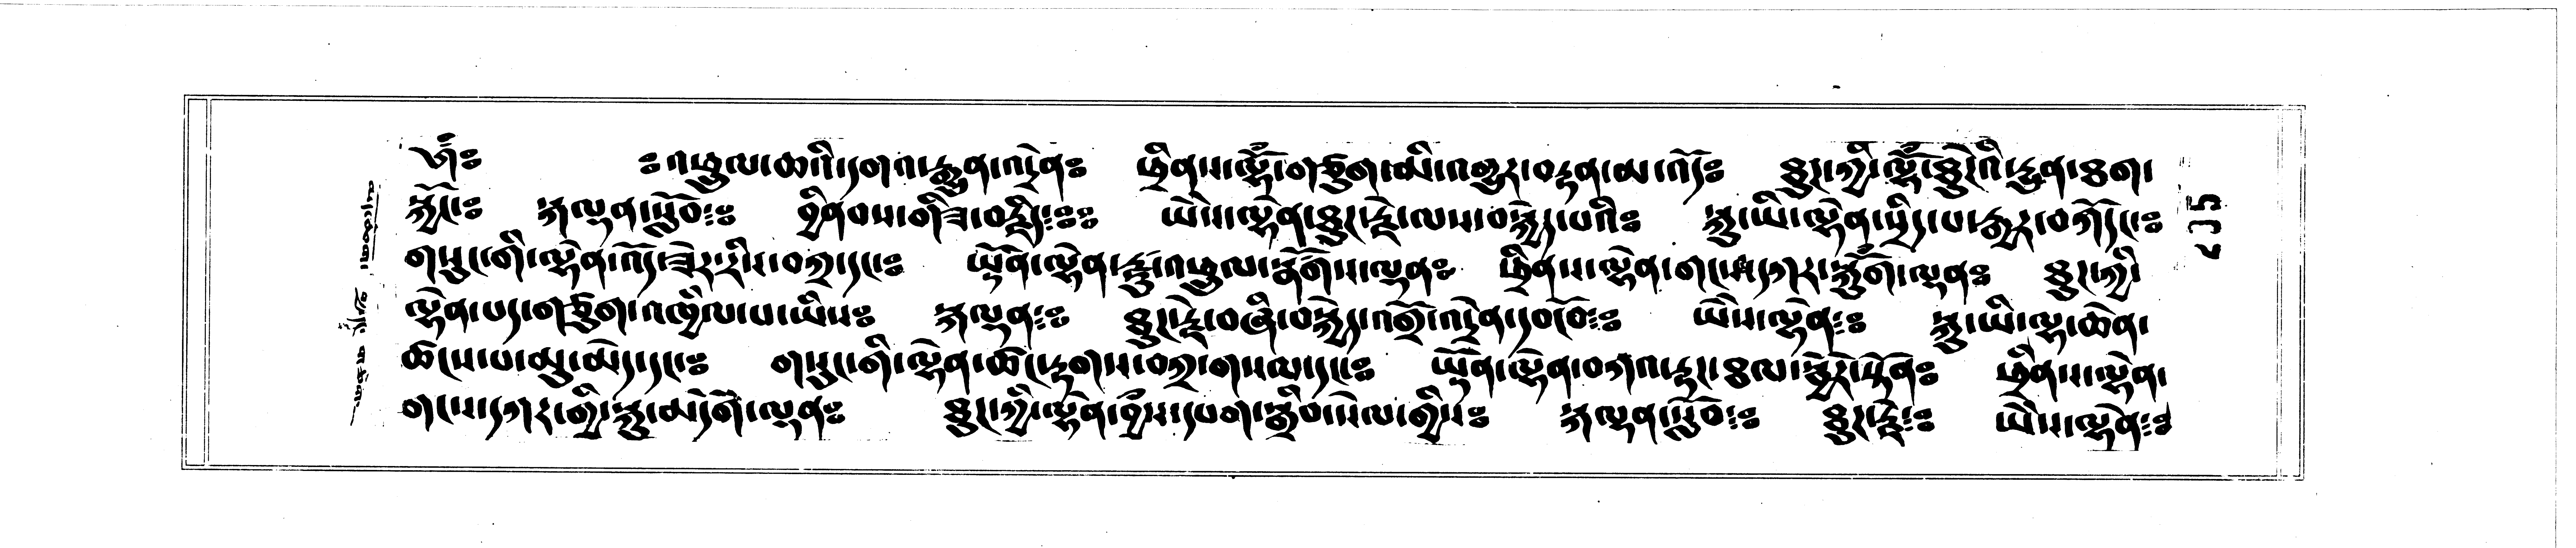འཕྲུལ་ཆའི་དགའ་རྒྱུན་འདྲེནཿ ཕྲིན་ལས་ལྷ་མོ་གཙུག་མི་འགྱུར་བརྟན་མ་འོདཿ ཐུགས་ཀྱི་ལྷ་མོ་ཐུགས་རྗེ་རྒྱུན་ཐག་
སྐྱོངཿ སྐལ་ལྡན་སློབ་མ་རྣམས་ལ་དབང་བསྐུར་བསཿ བྱིན་རླབས་གཟི་བརྗིད་འགྲོ་འདྲེན་དབང་ཐོབ་ཤོགཿ ཡེ་ཤེས་ལྷ་ཆེན་ཐུགས་རྗེ་ལས་བསྐྱེད་པའིཿ སྐུ་ཡི་ལྷ་ཆེན་སྲིད་པ་རྒྱར་བཀོད་དངཿ 
གསུང་གི་ལྷ་ཆེན་འོད་ཟེར་རིས་བཀྲ་དངཿ ཡོན་ཏན་ལྷ་ཆེན་རྫུ་འཕྲུལ་སྣ་ཚོགས་ལྡནཿ ཕྲིན་ལས་ལྷ་ཆེན་གངས་དཀར་སྐུ་མདོག་ལྡནཿ ཐུགས་ཀྱི་
ལྷ་ཆེན་པད་གཙུག་འཁྱིལ་པ་ཡིསཿ སྐལ་ལྡན་སློབ་མ་རྣམས་ལ་དབང་བསྐུར་བསཿ ཐུགས་རྗེ་གཟི་བརྗིད་འགྲོ་འདྲེན་དབང་ཐོབ་ཤོགཿ ཡེ་ཤེས་ལྷ་ཆེན་ཐུགས་རྗེ་ལས་བསྐྱེད་པའིཿ སྐུ་ཡི་ལྷ་ཆེན་
ཚངས་པ་མུ་མེད་དངཿ གསུང་གི་ལྷ་ཆེན་ཚངས་རྟགས་བཀྲ་གསལ་དངཿ ཡོན་ཏན་གྱི་ལྷ་ཆེན་བཀའ་རྟགས་ཐལ་སྦྱོར་སྟོནཿ ཕྲིན་ལས་ལྷ་ཆེན་
གངས་དཀར་འོད་རྣམས་འབརཿ ཐུགས་ཀྱི་ལྷ་ཆེན་བྱམས་དཔག་སྒྲིབ་སེལ་གྱིསཿ སྐལ་ལྡན་སློབ་མ་རྣམས་ལ་དབང་བསྐུར་བསཿ ཐུགས་རྗེ་གཟི་བརྗིད་འགྲོ་འདྲེན་དབང་ཐོབ་ཤོགཿ ཡེ་ཤེས་ལྷ་ཆེན་ཐུགས་རྗེ་ལས་བསྐྱེད་པའིཿ